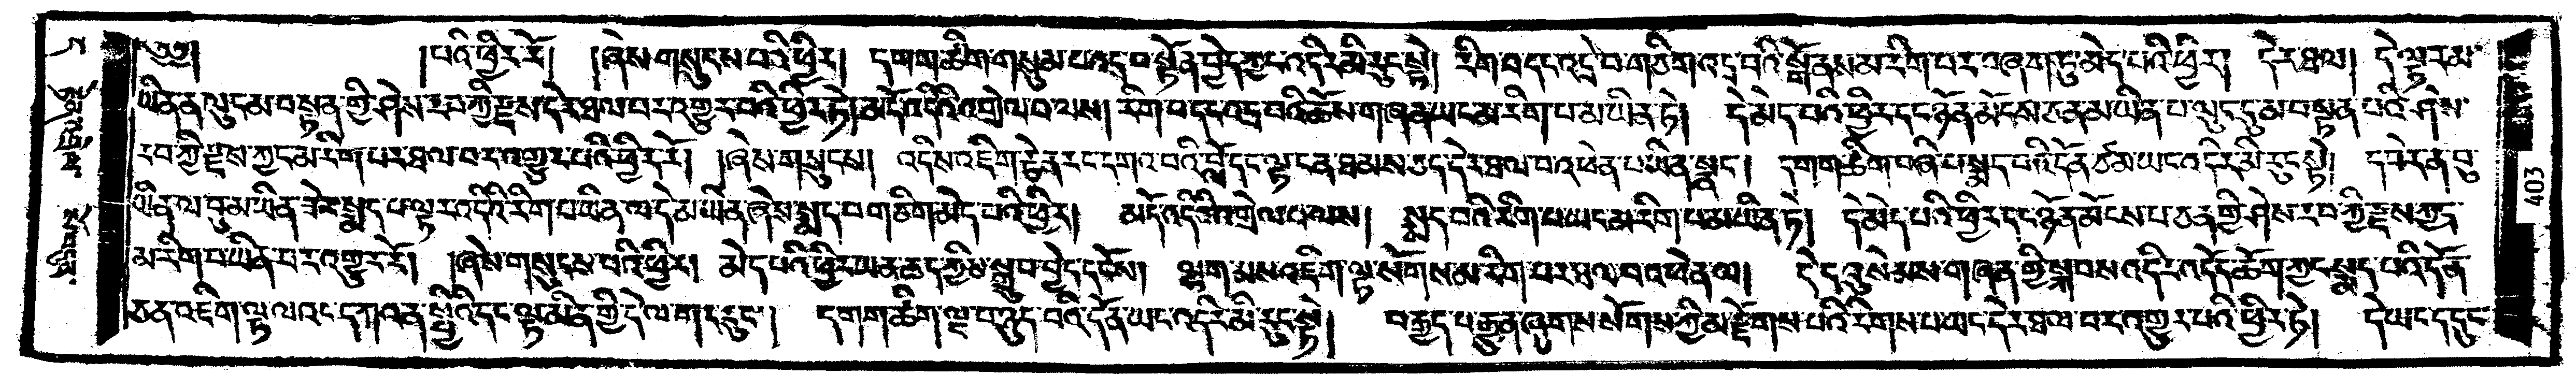༄༅། །པའི་ཕྱིར་རོ། །ཞེས་གསུངས་པའི་ཕྱིར། དགག་ཚིག་གསུམ་པ་འདྲ་བ་སྟོན་བྱེད་ཀྱང་འདིར་མི་རུང་སྟེ། རིག་པ་དང་འདྲེ་བ་གཅིག་འདྲ་བའི་སྒོ་ནས་མ་རིག་པར་བཞག་ཏུ་མེད་པའི་ཕྱིར། དེར་ཐལ། དེ་ལྟར་མ་
ཡིན་ན་ལུང་མ་བསྟན་གྱི་ཤེས་རབ་ཀྱི་རྫས་དེར་ཐལ་བར་འགྱུར་བའི་ཕྱིར་ཏེ། མདོ་འདིའི་འགྲེལ་བ་ལས། རིག་པ་དང་འདྲ་བའི་ཆོས་གཞན་ཡང་མ་རིག་པ་མ་ཡིན་ཏེ། དེ་མེད་པའི་ཕྱིར་དང་ཉོན་མོངས་ཅན་མ་ཡིན་པ་ལུང་དུ་མ་བསྟན་པའི་ཤེས་
རབ་ཀྱི་རྫས་ཀྱང་མ་རིག་པར་ཐལ་བར་འགྱུར་པའི་ཕྱིར་རོ། །ཞེས་གསུངས། འདིས་འཇིག་རྟེན་རང་དགའ་བའི་བློ་དང་ལྟ་ངན་ཐམས་ཅད་དེར་ཐལ་བ་འཕེན་པ་ཡིན་སྣང་། དགག་ཚིག་བཞི་པ་སྨད་པའི་དོན་ཙམ་ཡང་འདིར་མི་རུང་སྟེ། དཔེར་ན་བུ་
ཡིན་ལ་བུ་མ་ཡིན་ཟེར་སྨད་པ་ལྟར་འདིའི་རིག་པ་ཡིན་ལ་དེ་མ་ཡིན་ཞེས་སྨད་པ་གཅིག་མེད་པའི་ཕྱིར། མདོ་འདིའི་འགྲེལ་བ་ལས། སྨད་བའི་རིག་པ་ཡང་མ་རིག་པ་མ་ཡིན་ཏེ། དེ་མེད་པའི་ཕྱིར་དང་ཉོན་མོངས་པ་ཅན་གྱི་ཤེས་རབ་ཀྱི་རྫས་ཀྱང་
མ་རིག་པ་ཡིན་པར་འགྱུར་རོ། །ཞེས་གསུངས་པའི་ཕྱིར། མེད་པའི་ཕྱིར་ཡན་ཆད་ཀྱིས་སྒྲུབ་བྱེད་དངོས། ལྷག་མས་འཇིག་ལྟ་སོགས་མ་རིག་པར་ཐལ་བ་འཕེན་ལ། དེ་དབུ་སེམས་གཞན་གྱི་སྐབས་འདིར་འདོད་ཆོག་ཀྱང་སྨད་པའི་དོན་
ཅན་འཇིག་ལྟ་ལའང་དཀའ་ན་སྤྱིའི་དང་ལྟ་མིན་གྱི་དེ་ལ་གང་རུང་། དགག་ཚིག་ལྔ་པ་ཉུད་བའི་དོན་ཡང་འདིར་མི་རུང་སྟེ། བརྒྱད་པ་རྒྱུན་ཞུགས་སོགས་ཀྱི་མ་རྫོགས་པའི་རིགས་པ་ཡང་དེར་ཐལ་བར་འགྱུར་པའི་ཕྱིར་ཏེ། དེ་ཡང་ད་དུང་